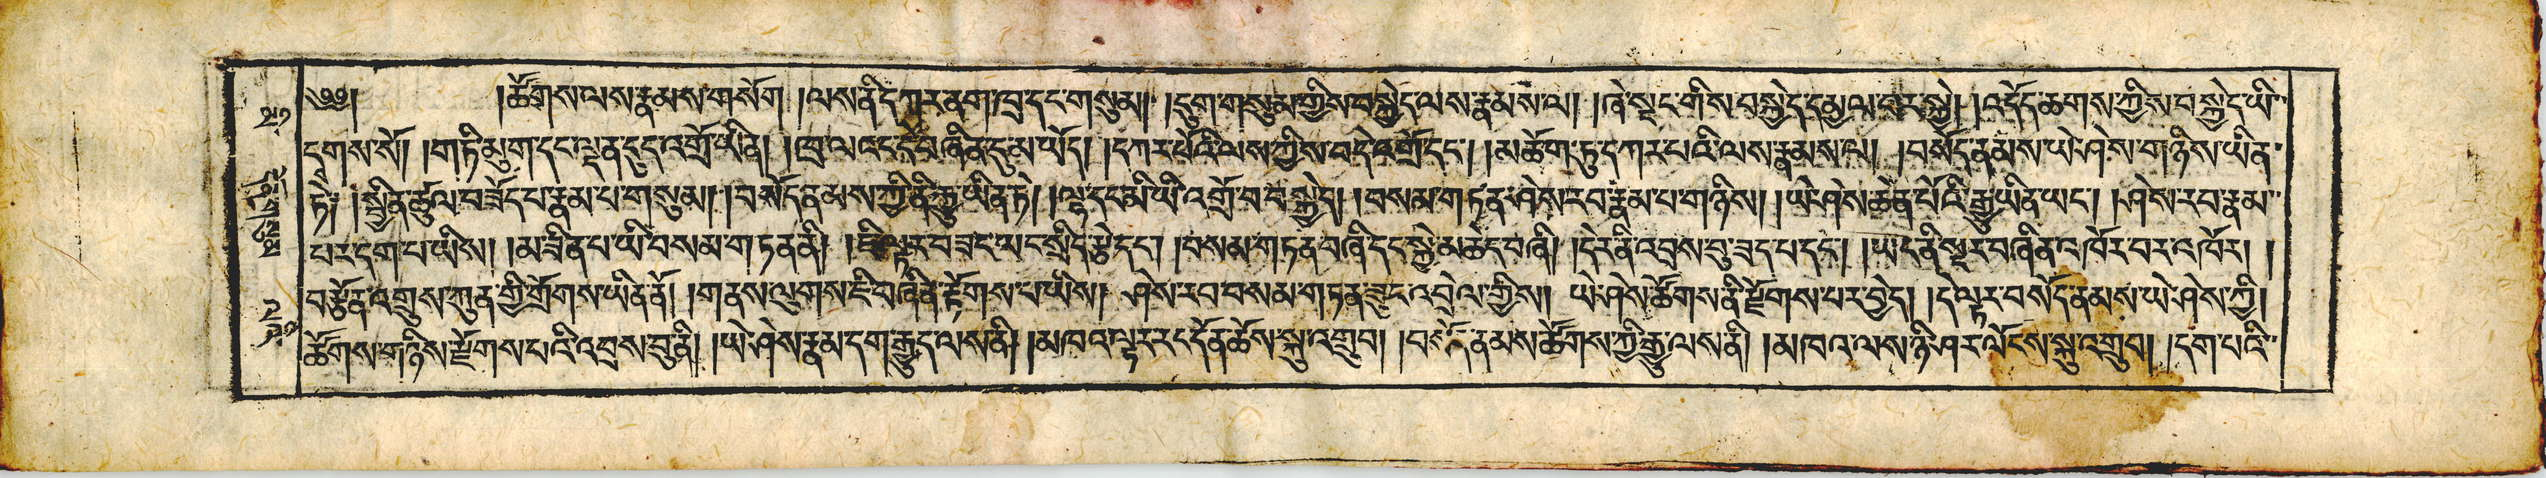ཚོགས་ལས་རྣམས་གསོག །ལས་ནི་དཀར་ནག་ཁྲ་དང་གསུམ། །དུག་གསུམ་གྱིས་བསྐྱེད་ལས་རྣམས་ལ། །ཞེ་སྡང་གིས་བསྐྱེད་དམྱལ་བར་སྐྱེ། །འདོད་ཆགས་ཀྱིས་བསྐྱེད་ཡི་
དྭགས་སོ། །གཏི་མུག་དང་ལྡན་དུད་འགྲོ་ཡིན། །ཁྲ་ལའང་དེ་བཞིན་དུ་མ་ཡོད། །དཀར་པོའི་ལས་ཀྱིས་བདེ་འགྲོ་དང་། །མཆོག་ཏུ་དཀར་པའི་ལས་རྣམས་ལ། །བསོད་ནམས་ཡེ་ཤེས་གཉིས་ཡིན་
ཏེ། །སྦྱིན་ཚུལ་བཟོད་པ་རྣམ་པ་གསུམ། །བསོད་ནམས་ཀྱི་ནི་རྒྱུ་ཡིན་ཏེ། །ལྷ་དང་མི་ཡི་འགྲོ་བ་བསྐྱེད། །བསམ་གཏན་ཤེས་རབ་རྣམ་པ་གཉིས། །ཡེ་ཤེས་ཆེན་པོའི་རྒྱུ་ཡིན་ཡང་། །ཤེས་རབ་རྣམ་
པར་དག་པ་ཡིས། །མ་ཟིན་པ་ཡི་བསམ་གཏན་ནི། །ཇི་ལྟར་བཟང་ཡང་སྲིད་རྩེ་དང་། །བསམ་གཏན་བཞི་དང་སྐྱེ་མཆེད་བཞི། །དེར་ནི་འབྲས་བུ་ཟད་པ་དང་། །ཡང་ནི་སྔར་བཞིན་འཁོར་བར་འཁོར། །
བརྩོན་འགྲུས་ཀུན་གྱི་གྲོགས་ཡིན་ནོ། །གནས་ལུགས་ཇི་བཞིན་རྟོགས་པ་ཡིས། ཤེས་རབ་བསམ་གཏན་ཟུང་འབྲེལ་གྱིས།། ཡེ་ཤེས་ཚོགས་ནི་རྫོགས་པར་བྱེད། །དེ་ལྟར་བསོད་ནམས་ཡེ་ཤེས་ཀྱི། །
ཚོགས་གཉིས་རྫོགས་པའི་འབྲས་བུ་ནི། །ཡེ་ཤེས་རྣམ་དག་རྒྱུད་ལས་ནི། །མཁའ་ལྟར་རང་དོན་ཆོས་སྐུ་འགྲུབ། །བསོད་ནམས་ཚོགས་ཀྱི་རྒྱུ་ལས་ནི། །མཁའ་ལས་ཉི་ཤར་ལོངས་སྐུ་འགྲུབ། །དག་པའི་